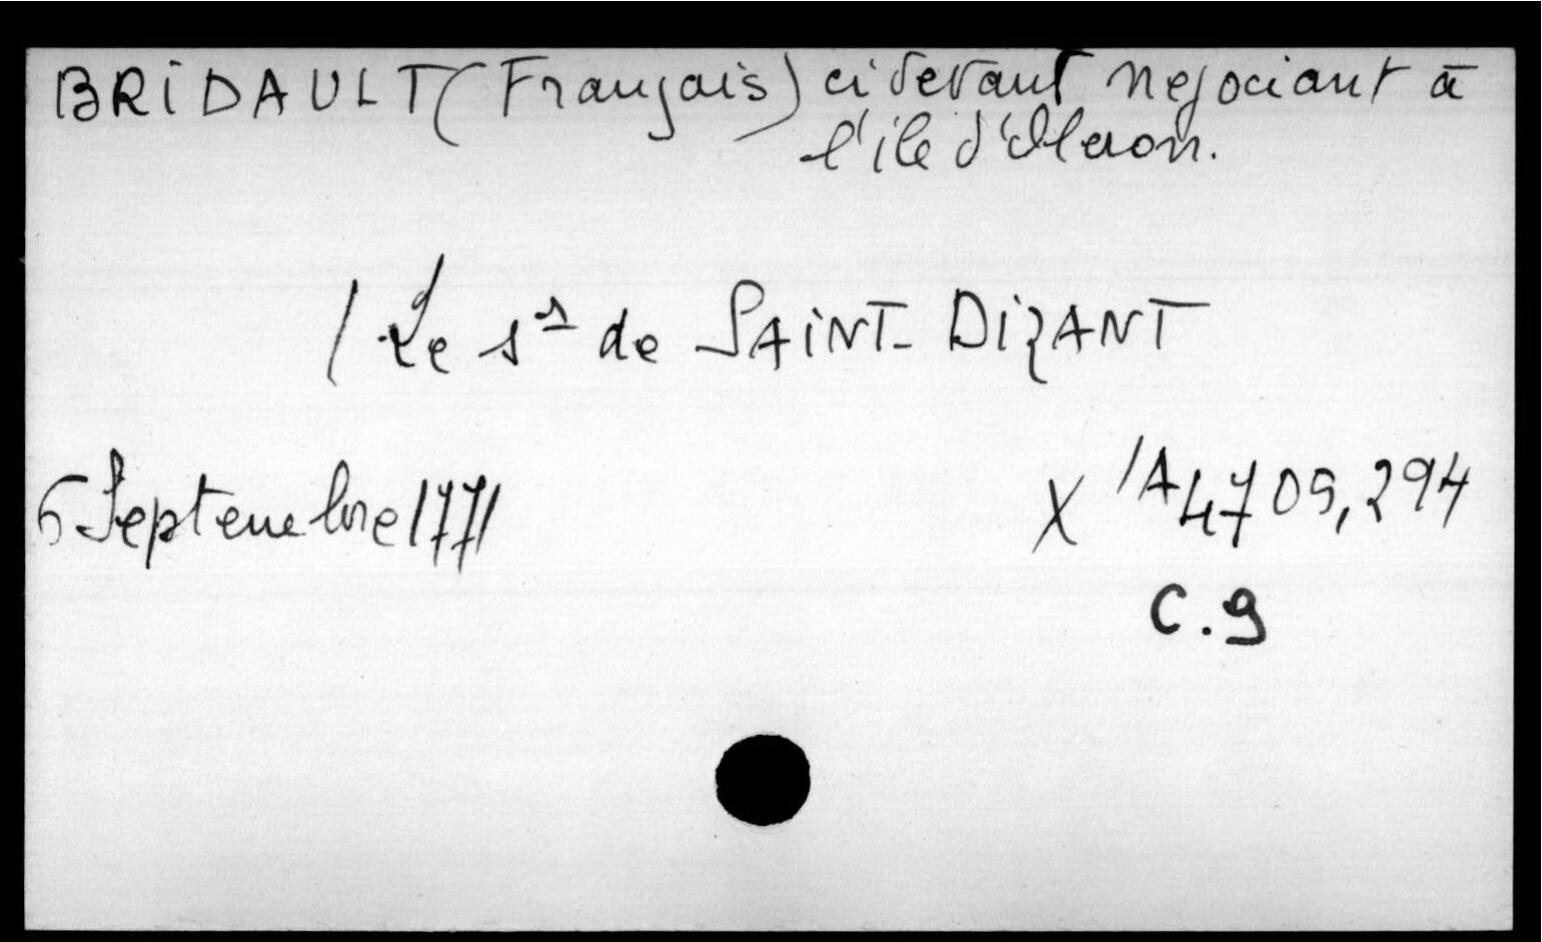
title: BRIDAULT (François) ci devant négociant à l'ile d'Oléron
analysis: Contre Le sieur de SAINT-DIZANT
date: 6 septembre 1771
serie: X1A
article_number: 4705
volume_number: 294 Conseil, 9
